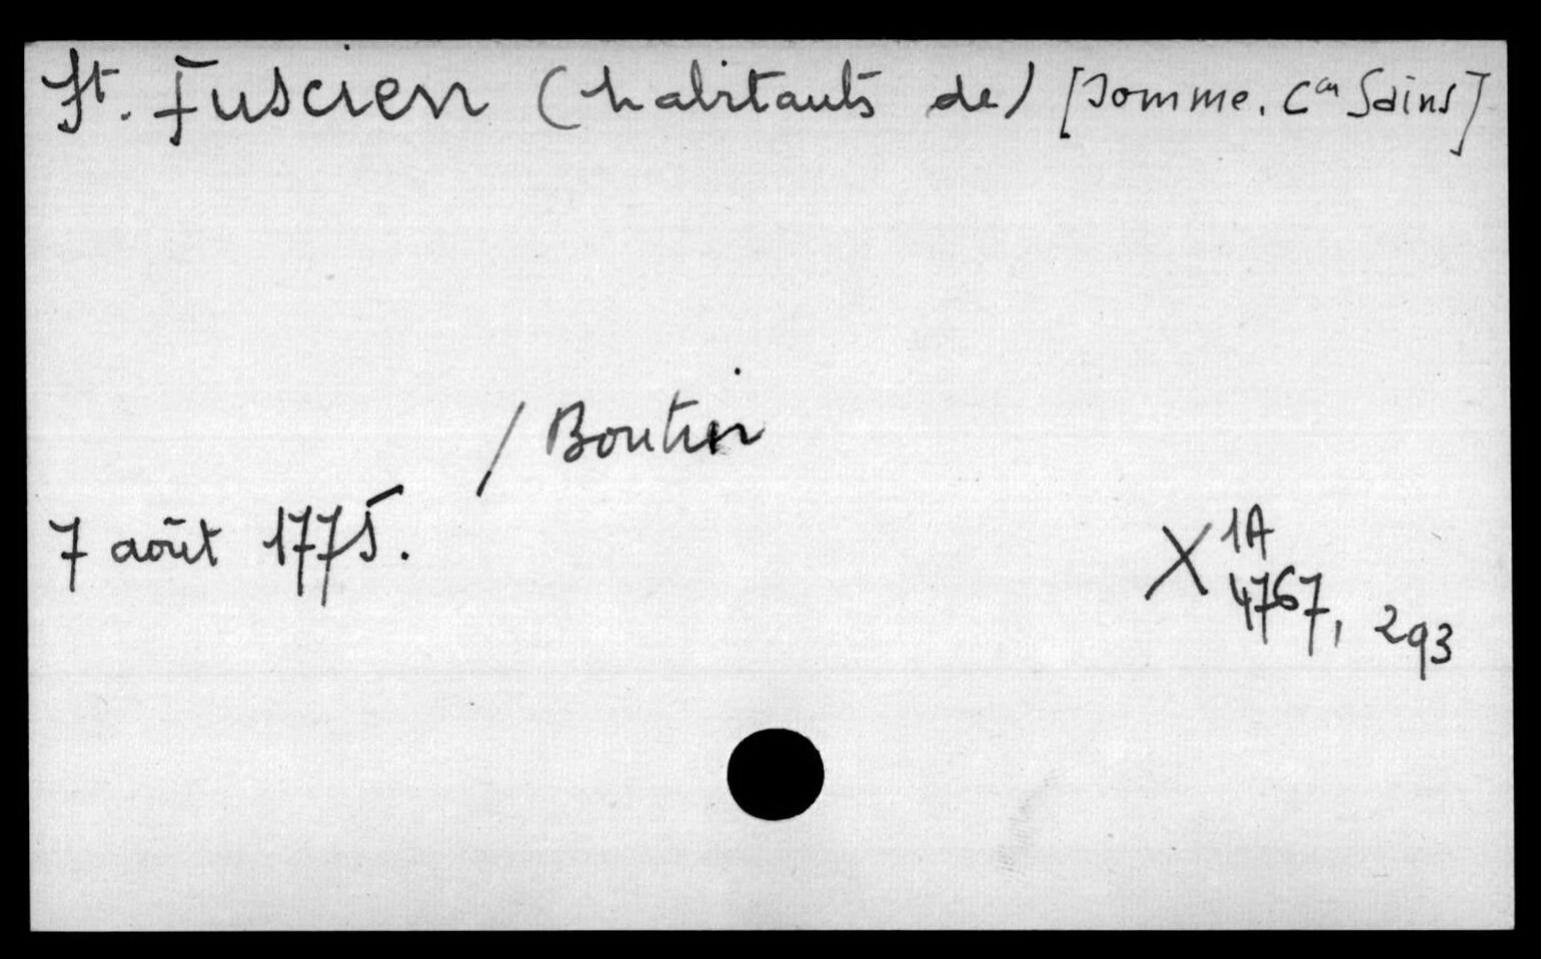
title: SAINT-FUSCIEN (habitants de) [Somme, canton Sains]
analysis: Contre Boutier
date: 7 août 1775
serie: X1A
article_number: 4767
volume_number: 293
